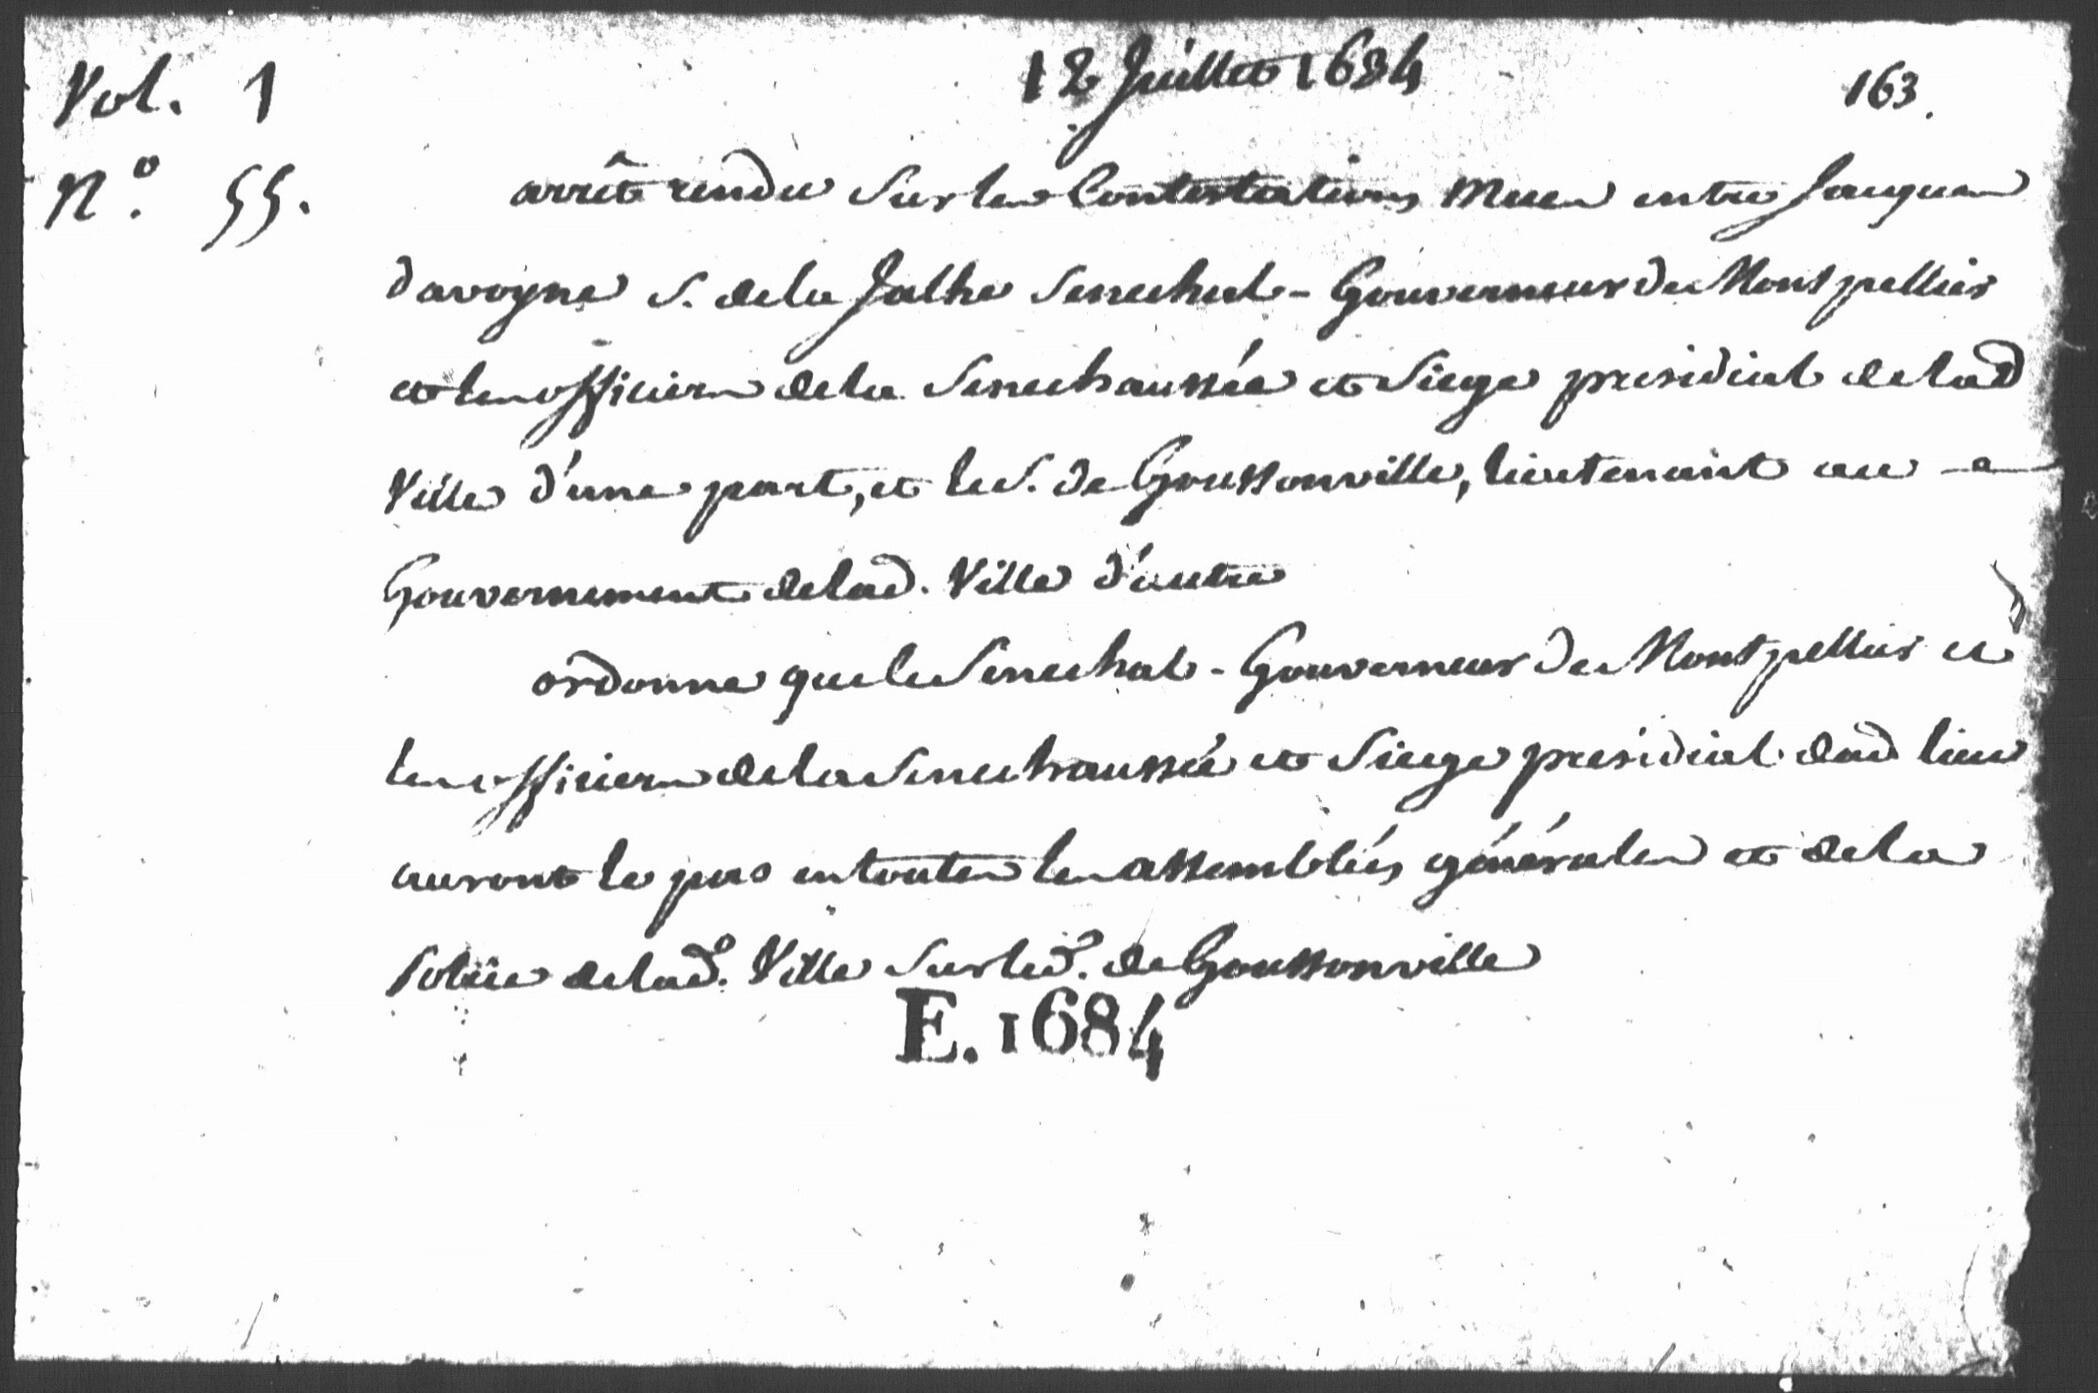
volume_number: n°55
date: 12 juillet 1634
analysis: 163
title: arrêt rendu sur les contestations mues entre Jacques davoyne S. de la Jalhe Senechal-Gouverneur de Montpellier et les officiers de la senechaussée et siege presidial delad Ville d'une part, et le S. de Goussonville, lieutenant au Gouvernement delad. Ville d'autre ordonne que le Senechal-Gouverneur de Montpellier et les officiers de la sénéchaussée et Siege presidial dud lieu auront le pas en toutes les assemblées générales et de la Police delad. Ville sur led. de Goussonville
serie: E
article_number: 1684
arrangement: vol. 1
